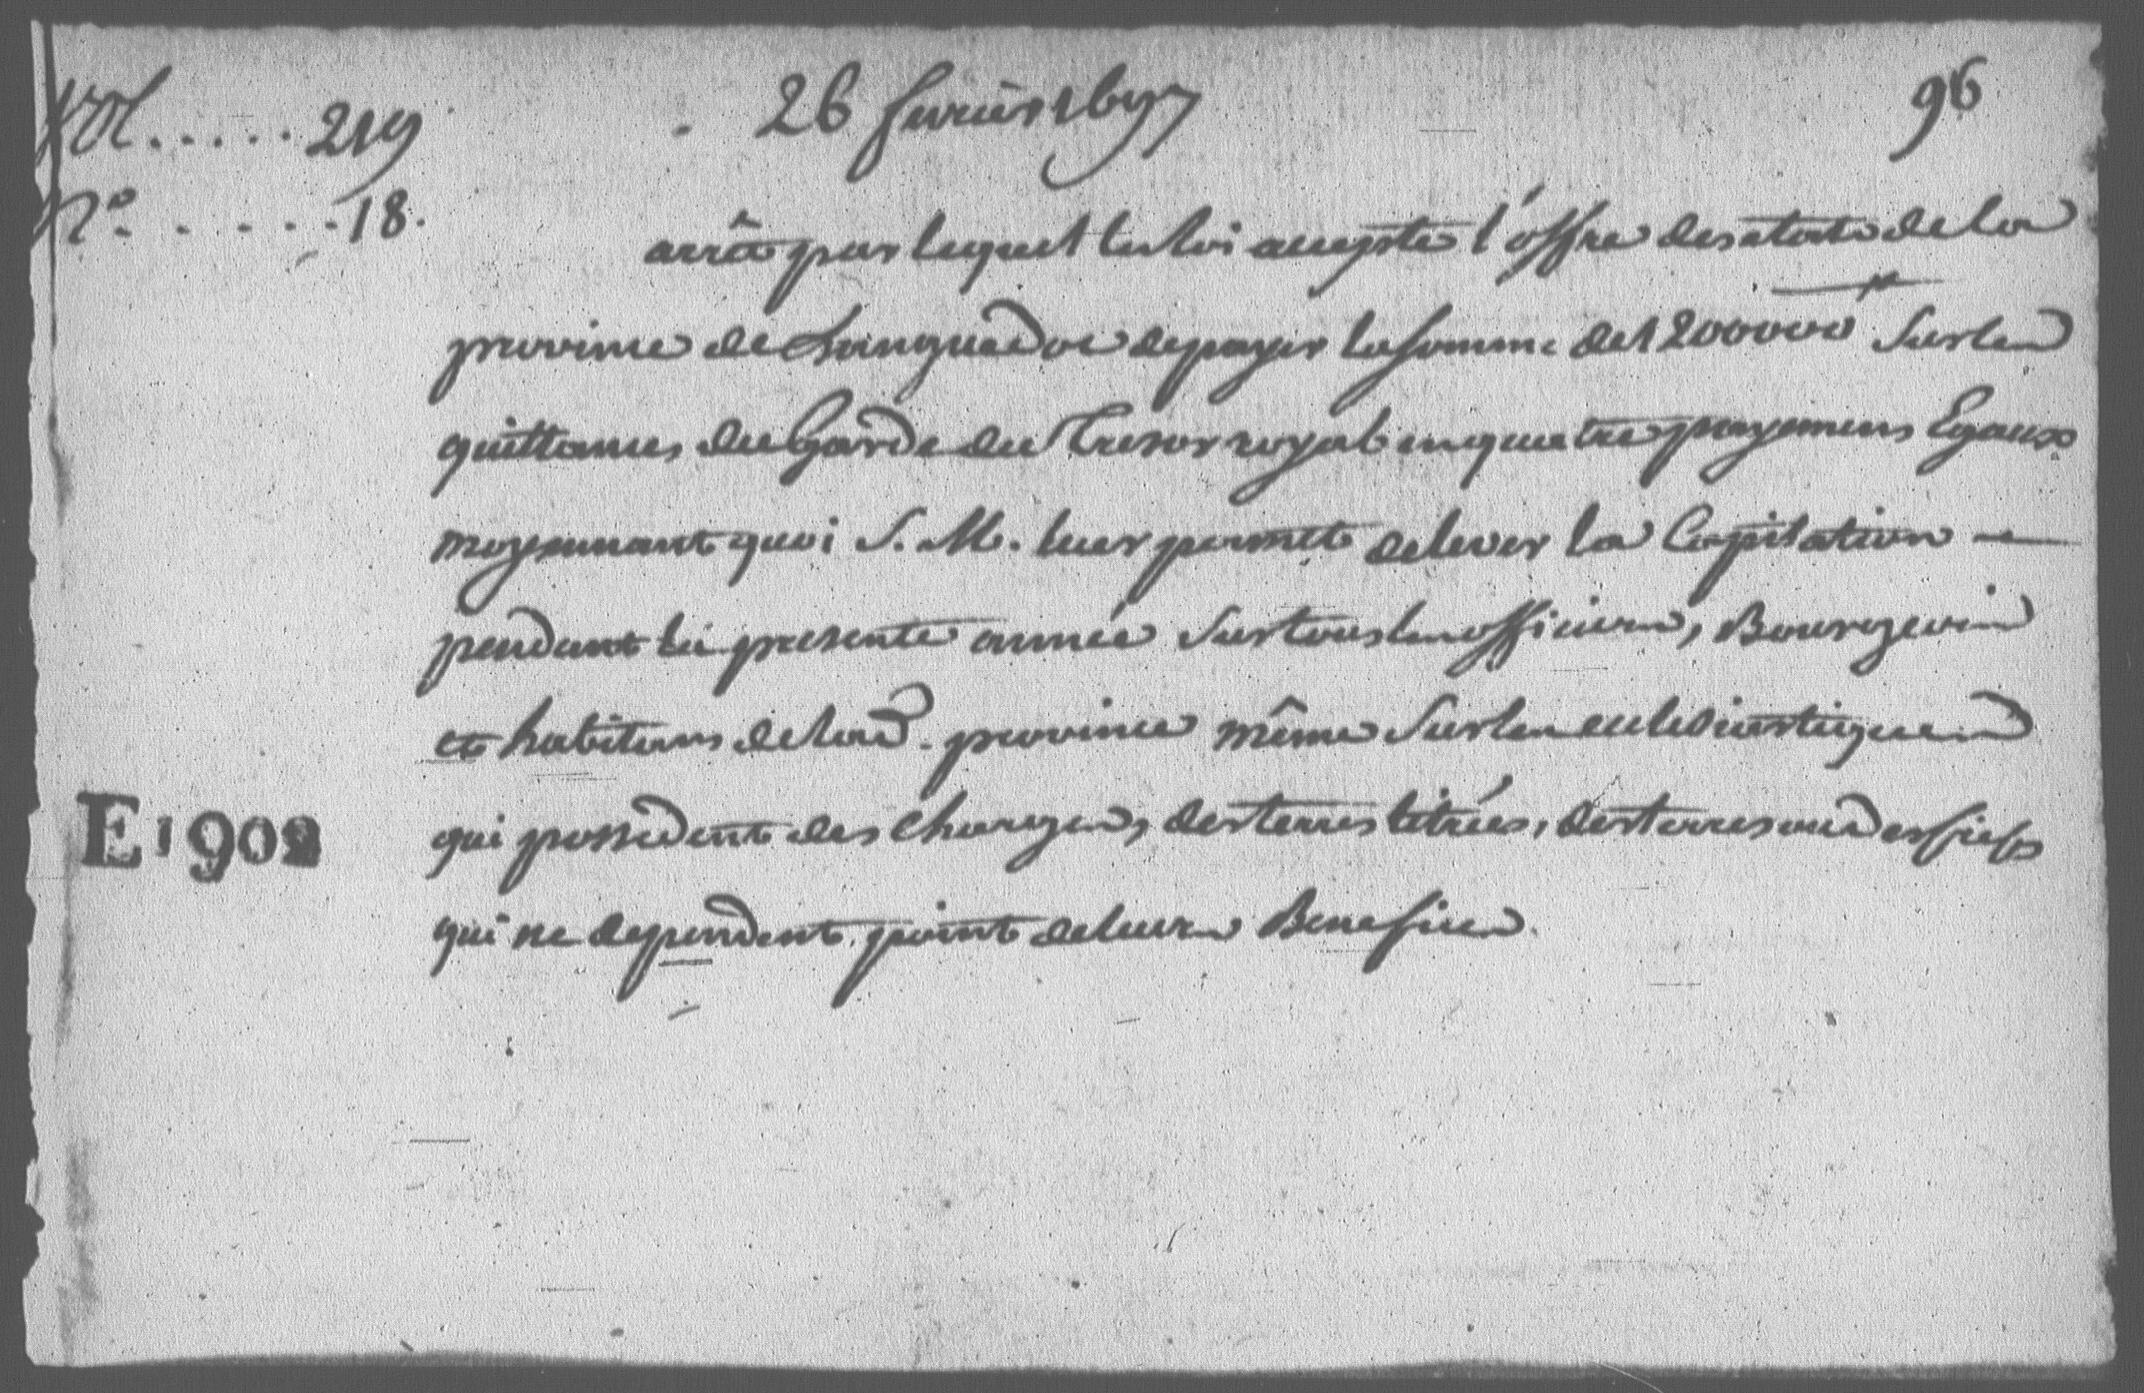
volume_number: n°18
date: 26 février 1697
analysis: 96
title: arrêt par lequel le Roi accepte l'offre des etats de la province de Languedoc de payer la somme de 1200000 # sur les quittances du Garde du Tresor royal en quatre payemens Egaux moyennant quoi Sa Majesté leur permet de lever la Capitation pendant la presente année sur tous les officiers, bourgeois et habitans de lad. province même sur les ecclesiastiques qui possedent des charges, des terres titrées, des terres au des fiefs qui ne dependent point de leurs benefices
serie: E
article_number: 1902
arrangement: vol. 219
